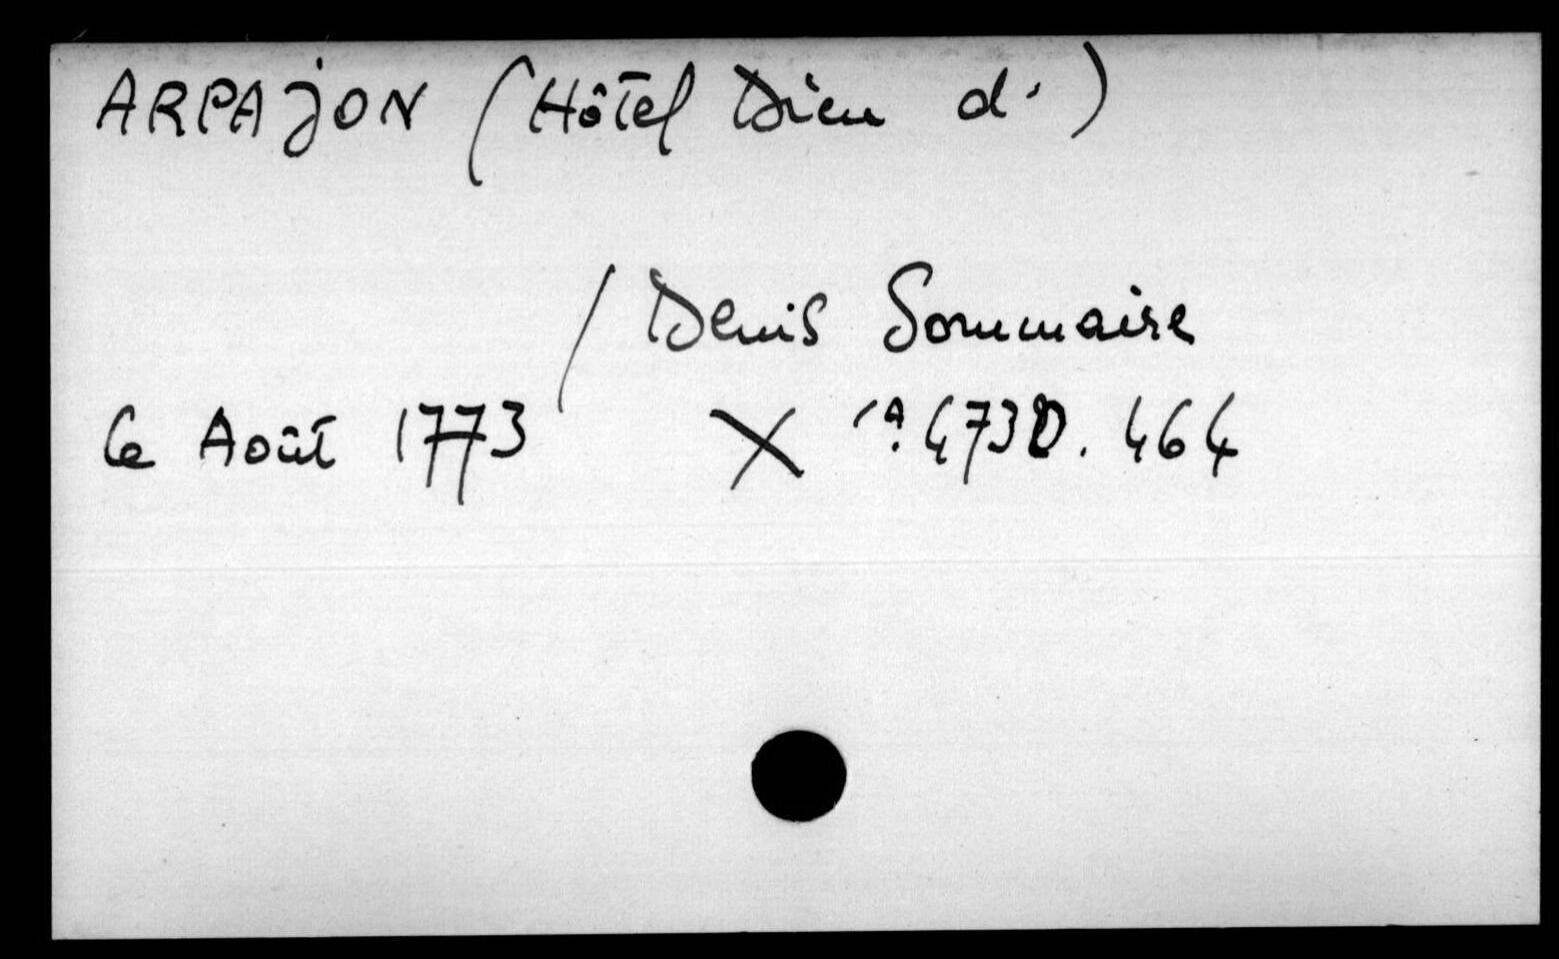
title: ARPAJON (Hôtel Dieu d')
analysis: Contre Denis Sommaire
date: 6 août 1773
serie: X1A
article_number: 4730
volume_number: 464
